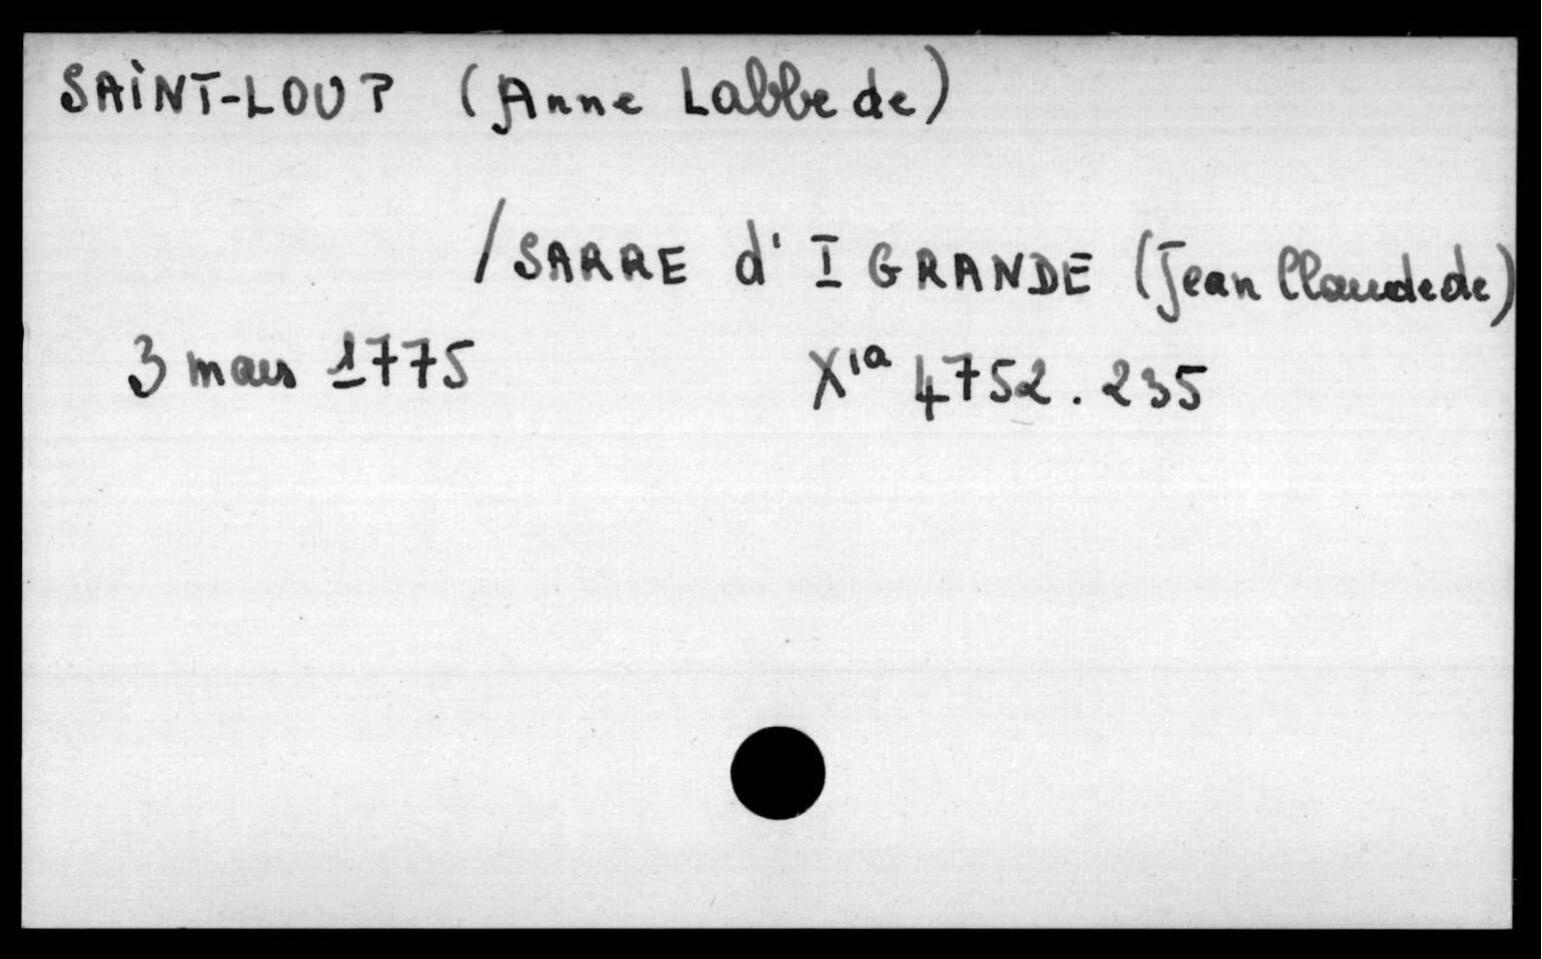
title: SAINT-LOUP (Anne Labbe de)
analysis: Contre SARRE d'IGRANDE (Jean Claude de)
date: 3 mars 1775
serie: X1a
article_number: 4752
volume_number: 235
